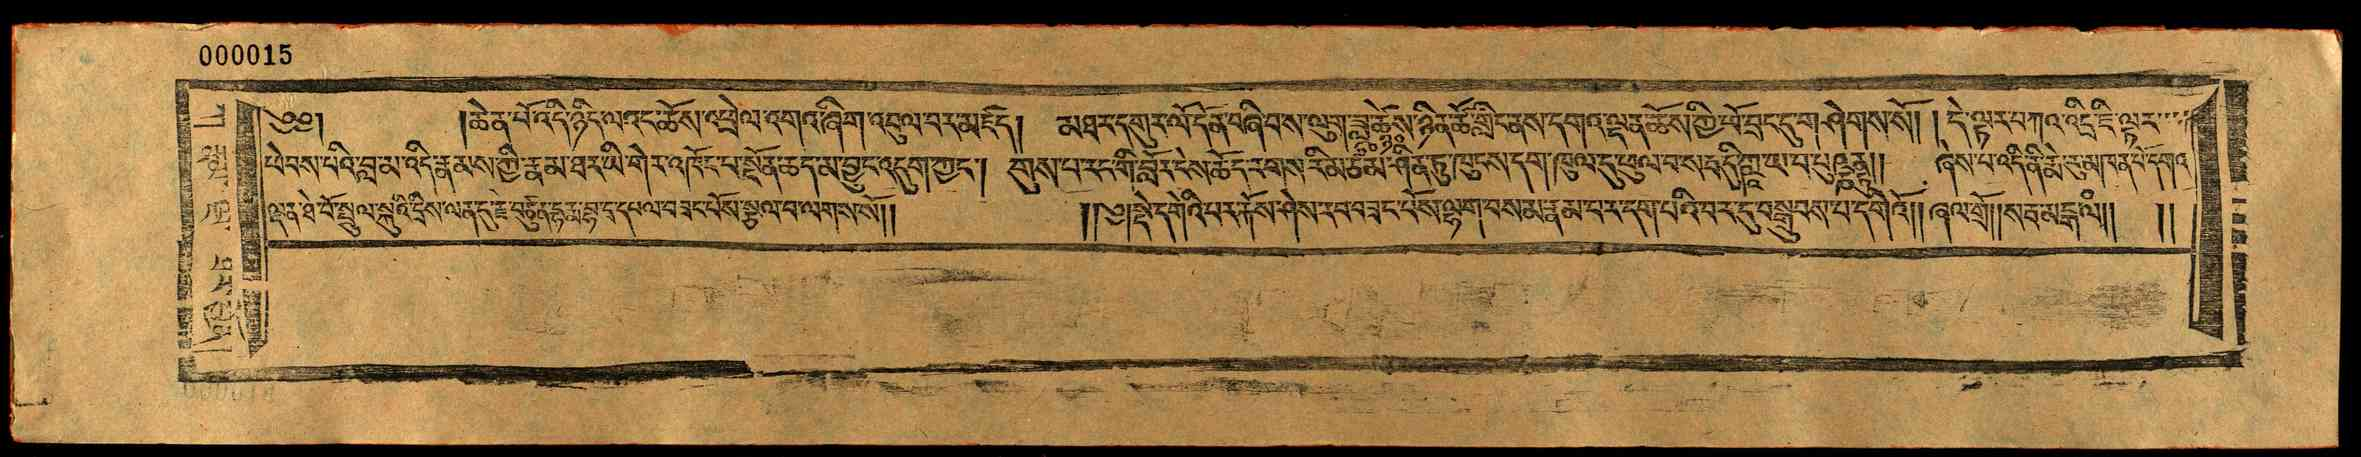༄༅། །ཆེན་པོ་འདི་ཉིད་ལའང་ཆོས་འབྲེལ་འགའ་ཞིག་འབུལ་བར་མཛད། མཐར་དགུང་ལོ་དོན་བཞི་པས་ལུག་ཟླ ༡༢་ཚེས ༡༠་ཉིན་ཚེ་གླིང་ནས་དགའ་ལྡན་ཆོས་ཀྱི་ཕོ་བྲང་དུ་གཤེགས་སོ། །དེ་ལྟར་བཀའ་འདྲི་ཇི་ལྟར་
ཕེབས་པའི་བླ་མ་འདི་རྣམས་ཀྱི་རྣམ་ཐར་ཡི་གེར་འཁོད་པ་སྔོན་ཆད་མ་བྱུང་འདུག་ཀྱང་། གུས་པ་རང་གི་བློར་ངེས་ཚོད་རགས་རིམ་ཙམ་ཤིན་ཏུ་ཁུངས་དག་ཁུལ་དུ་ཕུལ་བ་སརྦ་དུཀྵི་?་ཡ་བ་པུ་ཥྞནྟུ།། ཞེས་པ་འདི་ནི་རྨ་?་རུ་མཁན་པོ་དགའ་
ལྡན་ཐེ་པོ་སྤྲུལ་སྐུའི་དྲིས་ལན་དུ་རྗེ་བཙུན་དྷ་རྨ་བྷ་དྲ་དཔལ་བཟང་པོས་སྩལ་པ་ལགས་སོ།། །། ༄༅། སྡེ་དགེའི་པར་རྐོས་ཤེས་རབ་བཟང་པོས་ལྷག་བསམ་རྣམ་པར་དག་པའི་པར་དུ་བསྒྲུབས་པ་དགེའོ།། ཞལ་གྲོ། །སརྦ་མངྒ་ལཾ།། །།